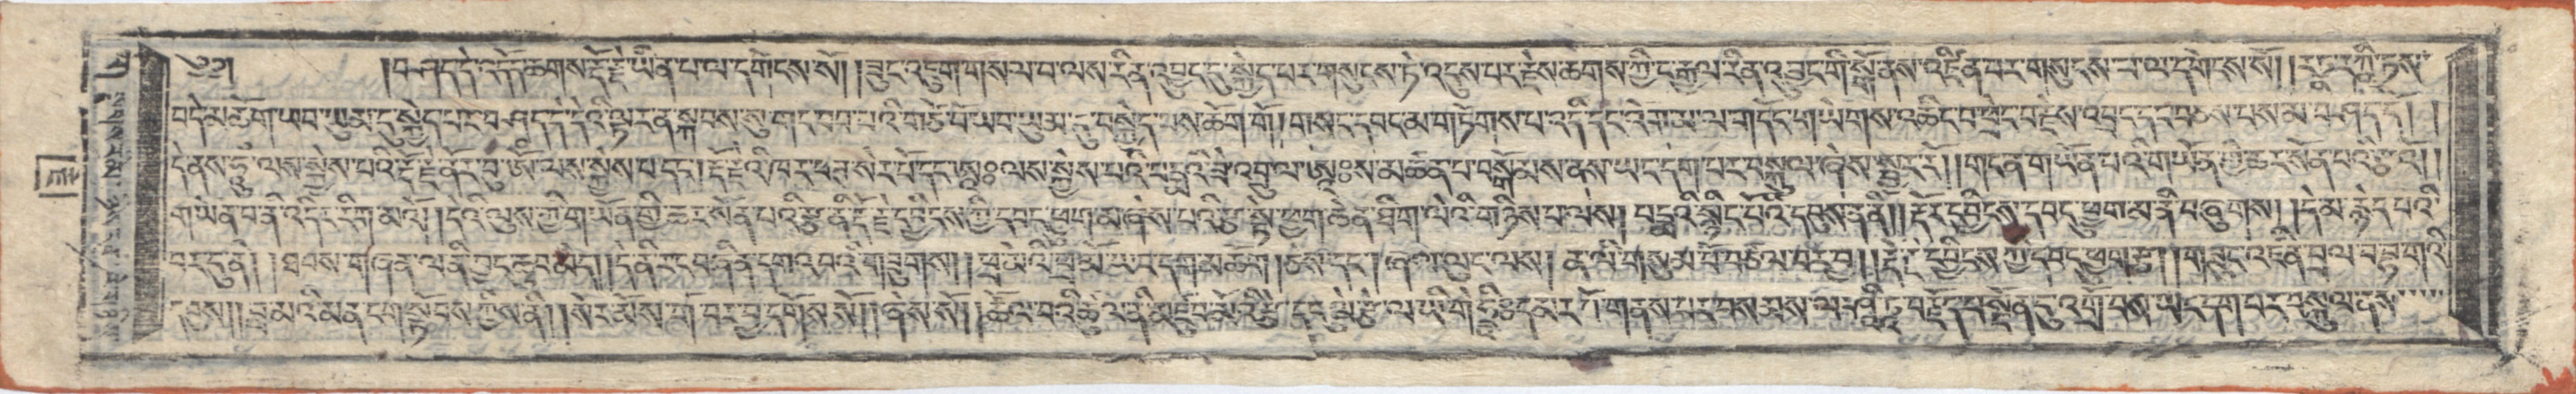༄༅། །བཤད་དེ་འདོད་ཆགས་རྡོ་རྗེ་ཡིན་པ་ལ་དགོངས་སོ། །ཟུང་འཇུག་གསལ་བ་ལས་རིན་འབྱུང་དུ་སྐྱེད་པར་གསུངས་ཏེ་འདུས་པར་རྗེས་ཆགས་ཀྱི་ང་རྒྱལ་རིན་འབྱུང་གི་སྒོ་ནས་འཛིན་པར་གསུངས་པ་ལ་དགོངས་སོ། །རཏྣ་རཀྵི་ཏས་
བདེ་མཆོག་ཡབ་ཡུམ་དུ་སྐྱེད་པར་བཤད་དེ་དེའི་ལྟར་ན་སྐབས་སུ་གང་བབ་པའི་གཙོ་བོ་ཡབ་ཡུམ་དུ་བསྐྱེད་པས་ཆོག་གོ །གསང་དབང་མ་གཏོགས་པ་འདི་དང་འོག་མ་ལ་གདོང་གཡོགས་འཆིང་བ་ཕྲེང་བ་རྗེས་འབྲང་དང་བཅས་པས་མ་བཤད་དོ། །
དེ་ནས་ཧཱུཾ་ལས་སྐྱེས་པའི་རྡོ་རྗེ་ནོར་བུ་ཨོཾ་ལས་སྐྱེས་པ་དང་། རྡོ་རྗེའི་ཁར་ཕཊ་སེར་པོ་དང་ཨཱཿ ལས་སྐྱེས་པའི་པདམའི་ཟེ་འབྲུ་ལ་ཨཱཿ ས་མཚན་པ་བསྒོམས་ནས་ཡང་དག་པར་བསྐུལ་ཞེས་སྦྱར་རོ། །གང་ན་གཡོན་པའི་གཡོན་གྱི་ཆར་སོན་པའི་རྩའོ། །
གཡོན་པ་ནི་འདིར་རིག་མའོ། །དེའི་ལུས་ཀྱི་གཡོན་གྱི་ཆར་སོན་པའི་རྩ་ནི་རྡོ་རྗེ་དབྱིངས་ཀྱི་དབང་ཕྱུག་མ་ཞེས་པའི་རྩ་སྟེ་ཕྱག་ཆེན་ཐིག་ལེའི་གཉིས་པ་ལས། པདམའི་སྙིང་པོའི་དབུས་ན་ནི། །རྡོར་དབྱིངས་དབང་ཕྱུག་མ་ནི་བཞུགས། །དེ་མ་རྙེད་པའི་
བར་དུ་ནི། །ཐབས་གཞན་ལ་ནི་བྱང་ཆུབ་མེད། །དེ་ནི་རང་བཞིན་དགའ་བའི་གཟུགས། །ཕྲ་མོའི་ཕྲ་མོ་ཡང་དག་མཆོག །ཅེས་དང་། ཞལ་ལུང་ལས། ན་ལི་གསུམ་པོ་བཙལ་བར་བྱ། །རྡོ་རྗེ་དབྱིངས་ཀྱི་དབང་ཕྱུག་རྩ། །གཟུང་འཛིན་བྲལ་བ་བྷ་གའི་
དབུས། །བླ་མའི་མན་ངག་སྟོབས་ཀྱིས་ནི། །སོར་མོས་གོ་བར་བྱ་དགོས་སོ། །ཞེས་སོ། །ཚོལ་བའི་ཚུལ་ནི་མཛུབ་མོའི་རྩེ་དང་ལྕེ་རྩེ་ལ་ཡི་གེ་ཧྲཱིཿ དམར་པོ་གནས་པར་བསམས་ལ་ཤཱི་ཏཱ་བརྗོད་པ་སྔོན་དུ་འགྲོ་བས་ཡང་དག་པར་བསྐུལ་ནས་